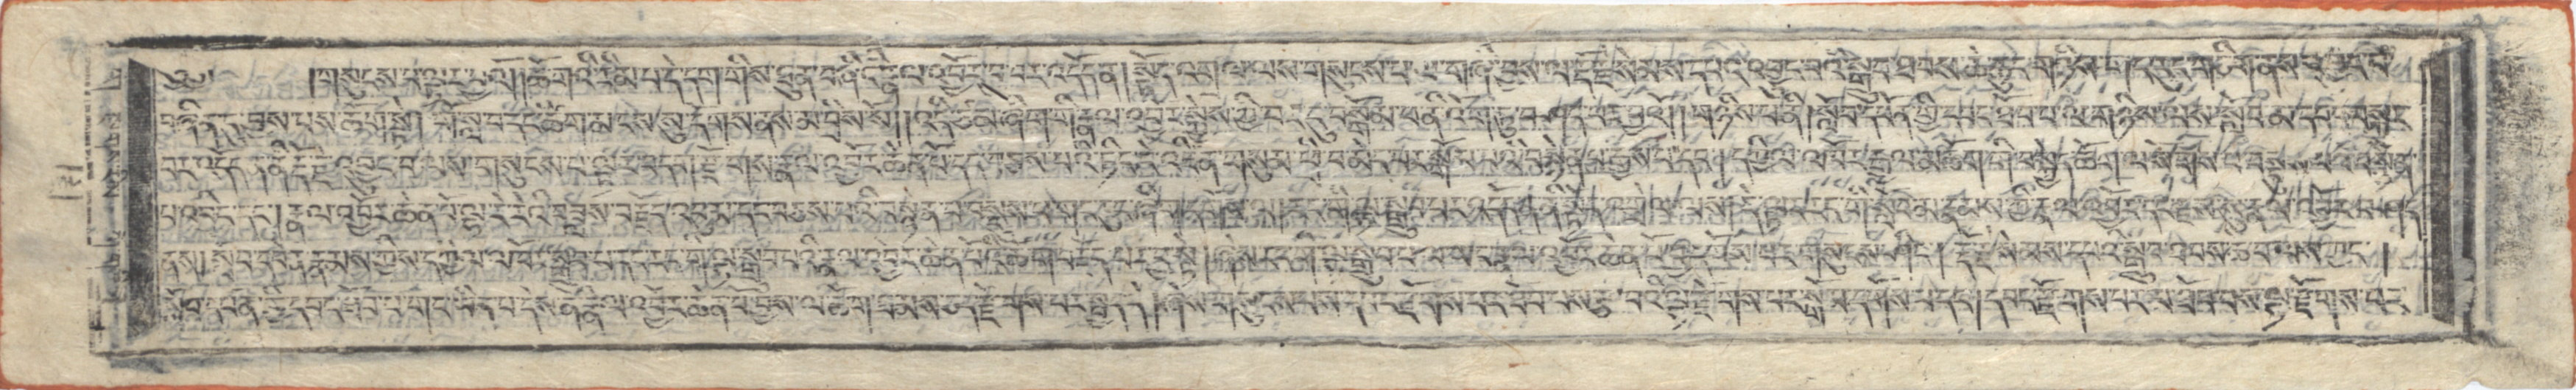༄༅། །གསུངས་པ་ལྟར་བྱའོ། །ཆོ་གའི་རིམ་པ་དེ་དག་གིས་ཐུན་བཞིའི་རྣལ་འབྱོར་བྱ་བར་འདོད་ན། སྟོད་འགྲལ་ལས་གསུངས་པ་ལ་གཞི་བྱས་ལ་རྡོ་རྗེ་སེམས་དཔའ་འབྱུང་བའི་སྒྲུབ་ཐབས་ཆེ་ཆུང་གཉིས་གང་རུང་གཅིག་ནས་འབྱུང་བ་
བཞིན་དུ་བྱས་པས་ཆོག་སྟེ། གོ་སླ་བ་དང་ཚིག་མངས་སུ་དོགས་ནས་མ་བྲིས་སོ། །འདི་ཙམ་ཞིག་གི་རྣལ་འབྱོར་སྐྱེས་ཀྱི་བར་དུ་བསྒོམ་པ་ནི་འོག་ཏུ་བཤད་པར་བྱའོ། །གཉིས་པ་ནི། སློབ་དཔོན་གྱི་དབང་ཐོབ་པ་ལ་གཉིས་ལས་སློབ་མ་དབང་བསྐུར་
བར་འདོད་ན་ནི་རྡོ་རྗེ་འབྱུང་བ་ལས་གསུངས་པ་ལྟར་བདག་རྫོགས་རྣལ་འབྱོར་ཆེན་པོ་དང་བཅས་པའི་ཏིང་ངེ་འཛིན་གསུམ་ཕྲི་བ་མེད་པར་སྒོམ་པའི་བསྙེན་པ་རྒྱས་པ་དང་། དཀྱིལ་འཁོར་རྒྱལ་མཆོག་གི་བསྐྱེད་ཆོག་ལ་སོགས་པ་བསྡུས་པའི་བསྙེན་
པ་འབྲིང་དང་། རྣལ་འབྱོར་ཆན་པོ་ལྷ་རེ་རེའི་བཟླས་བརྗོད་འབུམ་དང་བཅས་པའི་བསྙེན་པ་བསྡུས་པ་གང་རུང་ཞིག་དགོས་ལ། རང་གི་ལྷ་སྒྲུབ་པར་འདོད་ན་ནི་སྟོད་འགྲེལ་ལས། དེ་ལྟར་རང་གི་སློབ་མ་རྣམས་ཀྱི་རྣལ་འབྱོར་དང་རྗེས་སུ་རྣལ་འབྱོར་བཤད་
ནས། སློབ་དཔོན་རྣམས་ཀྱིས་དཀྱིལ་འཁོར་སྒྲུབ་པ་དང་རང་གི་ལྷ་སྒྲུབ་པའི་རྣལ་འབྱོར་ཆེན་པོའི་ཆོ་ག་བརྗོད་པར་བྱ་སྟེ། ཞེས་རང་གི་ལྷ་སྒྲུབ་པ་ལ་ཡང་རྣལ་འབྱོར་ཆེན་པོ་བྱ་དགོས་པར་གསུངས་ཤིང་། རྡོ་རྗེ་སེམས་དཔའི་སྒྲུབ་ཐབས་ཆེ་བ་ལས་ཀྱང་།
སློབ་དཔོན་གྱི་དབང་ཐོབ་པ་གང་ཡིན་པ་དེས་ནི་རྣལ་འབྱོར་ཆེན་པོ་བྱས་ལ་ཆོ་ག་ཐམས་ཅད་རྫོགས་པར་སྤྱད་དེ། ཞེས་གསུངས་པས་དབང་རྫོགས་པར་ཐོབ་པས་རྩ་བའི་ལྷ་རྫོགས་པར་སྒོམ་དགོས་པ་དང་། དབང་རྫོགས་པར་མ་ཐོབ་པས་ལྷ་རྫོགས་པར་